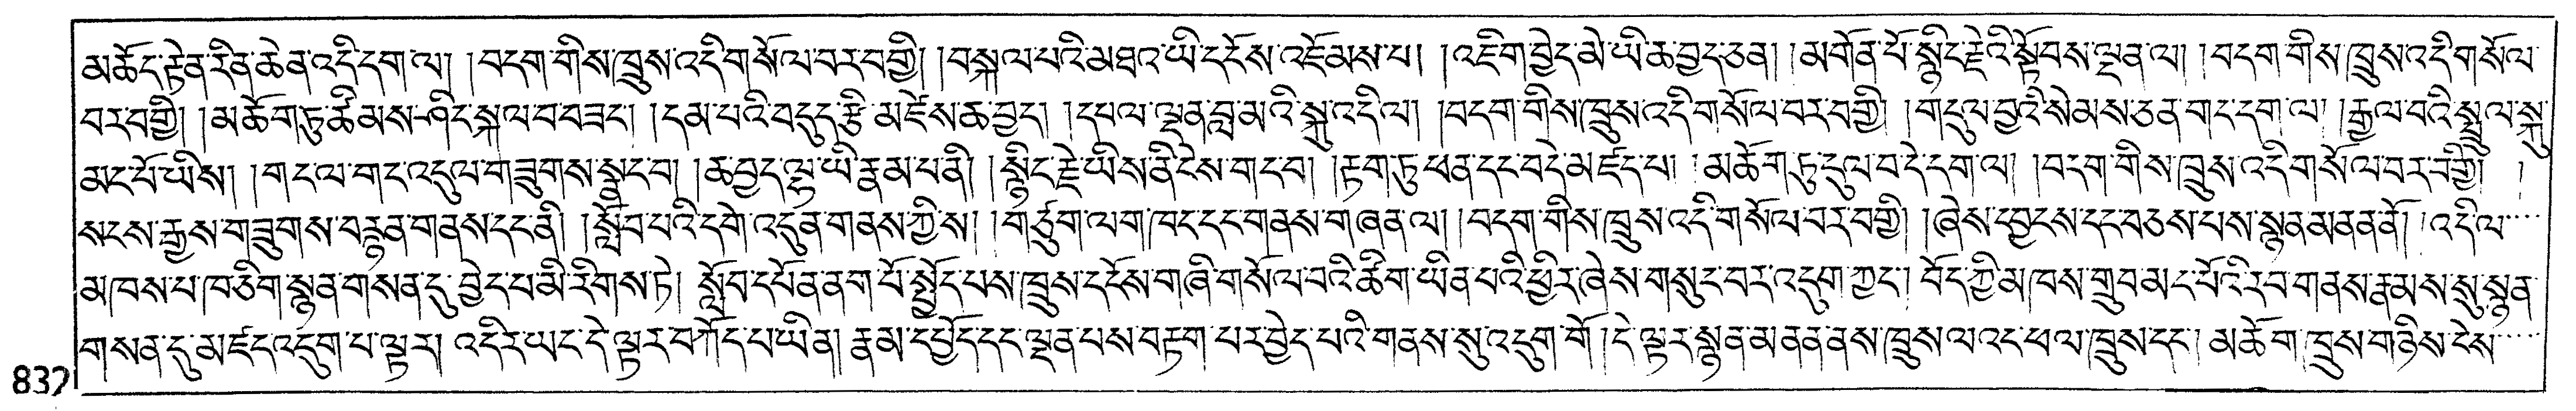མཆོད་རྟེན་རིན་ཆེན་འདི་དག་ལ། །བདག་གིས་ཁྲུས་འདི་གསོལ་བར་བགྱི། །བསྐལ་བའི་མཐའ་ཡི་དངོས་འཇོམས་པ། །འཇིག་བྱེད་མེ་ཡི་ཆ་བྱད་ཅན། །མགོན་པོ་སྙིང་རྗེའི་སྟོབས་ལྡན་ལ། །བདག་གིས་ཁྲུས་འདི་གསོལ་
བར་བགྱི། །མཆོག་ཏུ་ཚིམས་ཤིང་སྐལ་བ་བཟང་། །དམ་པའི་བདུད་རྩི་མཛེས་ཆ་བྱད། །དཔལ་ལྡན་བླ་མའི་སྐུ་འདི་ལ། །བདག་གིས་ཁྲུས་འདི་གསོལ་བར་བགྱི། །གདུལ་བྱའི་སེམས་ཅན་གང་དག་ལ། །རྒྱལ་བའི་སྤྲུལ་སྐུ་
མང་པོ་ཡིས། །གང་ལ་གང་འདུལ་གཟུགས་སྣང་བ། །ཆ་བྱད་ལྷ་ཡི་རྣམ་པ་ནི། །སྙིང་རྗེ་ཡིས་ནི་ངེས་གང་བ། །རྟག་ཏུ་ཕན་དང་བདེ་མཛད་པ། །མཆོག་ཏུ་དུལ་བ་དེ་དག་ལ། །བདག་གིས་ཁྲུས་འདི་གསོལ་བར་བགྱི། །
སངས་རྒྱས་གཟུགས་བརྙན་གནས་དང་ནི། །སློབ་པའི་དགེ་འདུན་གནས་ཀྱི་ས། །གཙུག་ལག་ཁང་དང་གནས་གཞན་ལ། །བདག་གིས་ཁྲུས་འདི་གསོལ་བར་བགྱི། །ཞེས་དབྱངས་དང་བཅས་པས་སྙན་མནན་ནོ། །འདི་ལ་
མཁས་པ་ཁ་ཅིག་སྙན་གསན་དུ་བྱེད་པ་མི་རིགས་ཏེ། སློབ་དཔོན་ནག་པོ་སྤྱོད་པས་ཁྲུས་དངོས་གཞི་གསོལ་བའི་ཚིག་ཡིན་པའི་ཕྱིར་ཞེས་གསུང་བར་འདུག་ཀྱང་། བོད་ཀྱི་མཁས་གྲུབ་མང་པོའི་རབ་གནས་རྣམས་སུ་སྙན་
གསན་དུ་མཛད་འདུག་པ་ལྟར། འདིར་ཡང་དེ་ལྟར་བཀོད་པ་ཡིན། རྣམ་དཔྱོད་དང་ལྡན་པས་བརྟག་པར་བྱེད་པའི་གནས་སུ་འདུག་གོ །དེ་ལྟར་སྙན་མནན་ནས་ཁྲུས་ལའང་ཕལ་ཁྲུས་དང་། མཆོག་ཁྲུས་གཉིས་ངེས་